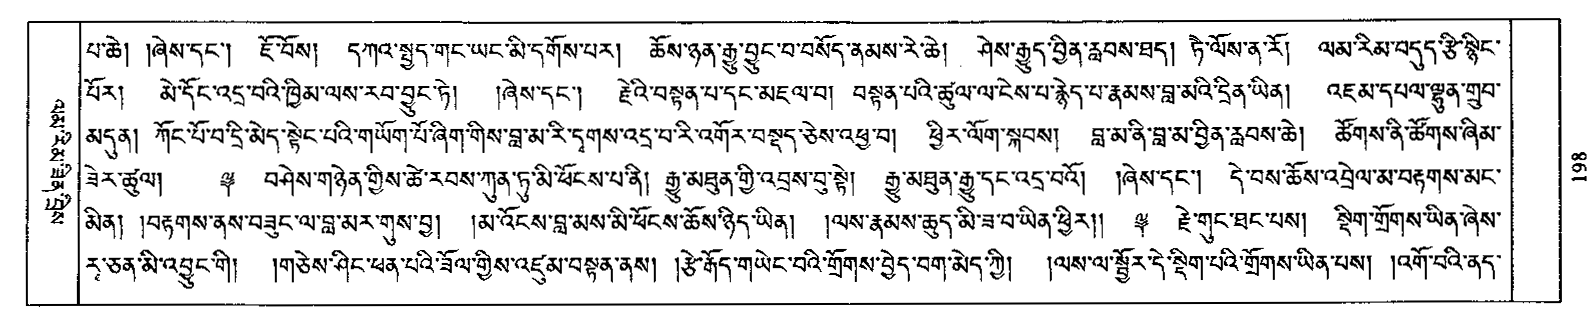པ་ཆེ། །ཞེས་དང་། ཇོ་བོས། དཀའ་སྤྱད་གང་ཡང་མི་དགོས་པར། ཆོས་ཉན་རྒྱུ་བྱུང་བ་བསོད་ནམས་རེ་ཆེ། ཤེས་རྒྱུད་བྱིན་རླབས་ཐད། ཏཻ་ལོས་ན་རོ། ལམ་རིམ་བདུད་རྩི་སྙིང་
པོར། མེ་དོང་འདྲ་བའི་ཁྱིམ་ལས་རབ་བྱུང་ཏེ། །ཞེས་དང་། རྗེའི་བསྟན་པ་དང་མཇལ་བ། བསྟན་པའི་ཚུལ་ལ་ངེས་པ་རྙེད་པ་རྣམས་བླ་མའི་དྲིན་ཡིན། འཇམ་དཔལ་ལྷུན་གྲུབ་
མདུན། ཀོང་པོ་བ་དྲི་མེད་སྟེང་བའི་གཡོག་པོ་ཞིག་གིས་བླ་མ་རི་དྭགས་འདྲ་བ་རི་འགོར་བསྡད་ཅེས་འཕྱ་བ། ཕྱིར་ལོག་སྐབས། བླ་མ་ནི་བླ་མ་བྱིན་རླབས་ཆེ། ཚོགས་ནི་ཚོགས་ཞིམ་
ཟེར་ཚུལ། ༈ བཤེས་གཉེན་གྱིས་ཚེ་རབས་ཀུན་ཏུ་མི་ཕོངས་པ་ནི། རྒྱུ་མཐུན་གྱི་འབྲས་བུ་སྟེ། རྒྱུ་མཐུན་རྒྱུ་དང་འདྲ་བའོ། །ཞེས་དང་། དེ་བས་ཆོས་འབྲེལ་མ་བརྟགས་མང་
མིན། །བརྟགས་ནས་བཟུང་ལ་བླ་མར་གུས་བྱ། །མ་འོངས་བླ་མས་མི་ཕོངས་ཆོས་ཉིད་ཡིན། །ལས་རྣམས་ཆུད་མི་ཟ་བ་ཡིན་ཕྱིར།། ༈ རྗེ་གུང་ཐང་པས། སྡིག་གྲོགས་ཡིན་ཞེས་
རྭ་ཅན་མི་འབྱུང་གི། །གཅེས་ཤིང་ཕན་པའི་ཟོལ་གྱིས་འཛུམ་བསྟན་ནས། །རྩེ་རྒོད་གཡེང་བའི་གྲོགས་བྱེད་བག་མེད་ཀྱི། །ལས་ལ་སྦྱོར་དེ་སྡིག་པའི་གྲོགས་ཡིན་པས། །འགོ་བའི་ནད་